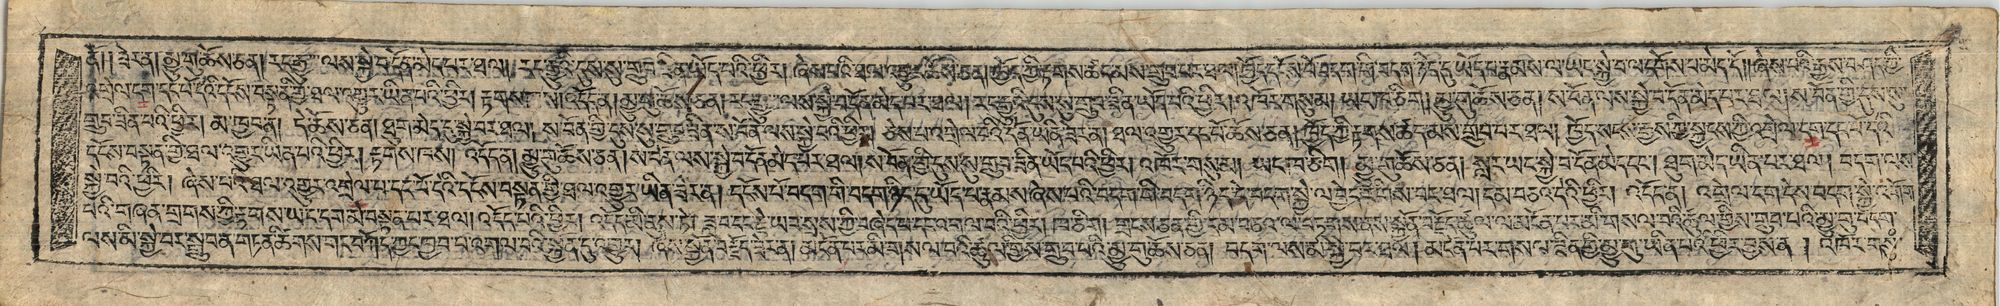ནོ། །ཟེར་ན། མྱུ་གུ་ཆོས་ཅན། རང་རྒྱུ་ལས་སྐྱེ་བ་དོན་མེད་པར་ཐལ། རང་རྒྱུའི་དུས་སུ་གྲུབ་ཟིན་ཡོད་པའི་ཕྱིར། ཞེས་པའི་ཐལ་འགྱུར་ཆོས་ཅན། ཁྱོད་ཀྱི་རྟགས་ཚད་མས་གྲུབ་པར་ཐལ། ཁྱོད་དངོས་པོ་བདག་གི་བདག་ཉིད་དུ་ཡོད་པ་རྣམས་ལ་ཡང་སྐྱེ་བ་ལ་དགོས་པ་མེད་དོ། །ཞེས་པའི་རྒྱས་བཤད་ཀྱི་
འགྲེལ་ངག་དང་པོ་དེའི་དངོས་བསྟན་གྱི་ཐལ་འགྱུར་ཡིན་པའི་ཕྱིར། རྟགས་ཁས། འདོད་ན། མྱུ་གུ་ཆོས་ཅན། རང་རྒྱུ་ལས་སྐྱེ་བ་དོན་མེད་པར་ཐལ། རང་རྒྱུའི་དུས་སུ་གྲུབ་ཟིན་ཡོད་པའི་ཕྱིར། འཁོར་གསུམ། ཡང་ཁ་ཅིག །མྱུ་གུ་ཆོས་ཅན། ས་བོན་ལས་སྐྱེ་བ་དོན་མེད་པར་ཐལ། ས་བོན་གྱི་དུས་སུ་
གྲུབ་ཟིན་པའི་ཕྱིར། མ་ཁྱབ་ན། དེ་ཆོས་ཅན། ཐུག་མེད་དུ་སྐྱེ་བར་ཐལ། ས་བོན་གྱི་དུས་སུ་གྲུབ་ཟིན་ས་བོན་ལས་སྐྱེ་བའི་ཕྱིར། ཅེས་པ་འགྲེལ་བའི་དོན་ཡིན་ཟེར་ན། ཐལ་འགྱུར་དང་པོ་ཆོས་ཅན། ཁྱོད་ཀྱི་རྟགས་ཚད་མས་གྲུབ་པར་ཐལ། ཁྱོད་སངས་རྒྱས་ཀྱི་སྐྱངྶྐྱི་འགྲེལ་ངག་དང་པོ་དེའི་
དངོས་བསྟན་གྱི་ཐལ་འགྱུར་ཡིན་པའི་ཕྱིར། རྟགས་ཁས། འདོད་ན། མྱུ་གུ་ཆོས་ཅན། ས་བོན་ལས་སྐྱེ་བ་དོན་མེད་པར་ཐལ། ས་བོན་གྱི་དུས་སུ་གྲུབ་ཟིན་ཡོད་པའི་ཕྱིར། འཁོར་གསུམ། ཡང་ཁ་ཅིག །མྱུ་གུ་ཆོས་ཅན། སླར་ཡང་སྐྱེ་བ་དོན་མེད་དང་། ཐུག་མེད་ཡིན་པར་ཐལ། བདག་ལས་
སྐྱེ་བའི་ཕྱིར། ཞེས་པའི་ཐལ་འགྱུར་འགྲེལ་པ་དང་པོ་དེའི་དངོས་བསྟན་གྱི་ཐལ་འགྱུར་ཡིན་ཟེར་ན། དངོས་པོ་བདག་གི་བདག་ཉིད་དུ་ཡོད་པ་རྣམས་ཞེས་པའི་བདག་གི་བདག་ཉིད་དེ་བདག་སྐྱེ་ལ་བྱེད་རིགས་པར་ཐལ། དམ་བཅའ་དེའི་ཕྱིར། འདོད་ན། འགྲེལ་ངག་དེས་བདག་སྐྱེ་འགོག་
པའི་གཞན་གྲགས་ཀྱི་རྟགས་ཡང་དག་མ་བསྟན་པར་ཐལ། འདོད་པའི་ཕྱིར། འདོད་མི་ནུས་ཏེ། ཟླ་བ་དང་རྗེ་ཡབ་སྲས་ཀྱི་བཞེད་པ་དང་འགལ་བའི་ཕྱིར། ཁ་ཅིག །གྲངས་ཅན་གྱི་དམ་བཅའ་ལ་བཏགས་ནས་སྐྱོན་བརྗོད་ཚུལ་ལ་མངོན་པར་མི་གསལ་བའི་ཚུལ་གྱིས་གྲུབ་པའི་མྱུ་གུ་བདག་
ལས་མི་སྐྱེ་བར་སྒྲུབ་ན་གཏན་ཚིགས་གང་བཀོད་ཀྱང་ཁྱབ་པ་འགལ་བའི་སྐྱོན་དུ་འགྱུར། ཞེས་སྐྱོན་བརྗོད་ཟེར་ན། མངོན་པར་མི་གསལ་བའི་ཚུལ་གྱིས་གྲུབ་པའི་མྱུ་གུ་ཆོས་ཅན། བདག་ལས་མི་སྐྱེ་བར་ཐལ། མངོན་པར་གསལ་ཟིན་གྱི་མྱུ་གུ་ཡིན་པའི་ཕྱིར་བྱས་ན། འཁོར་གསུམ་